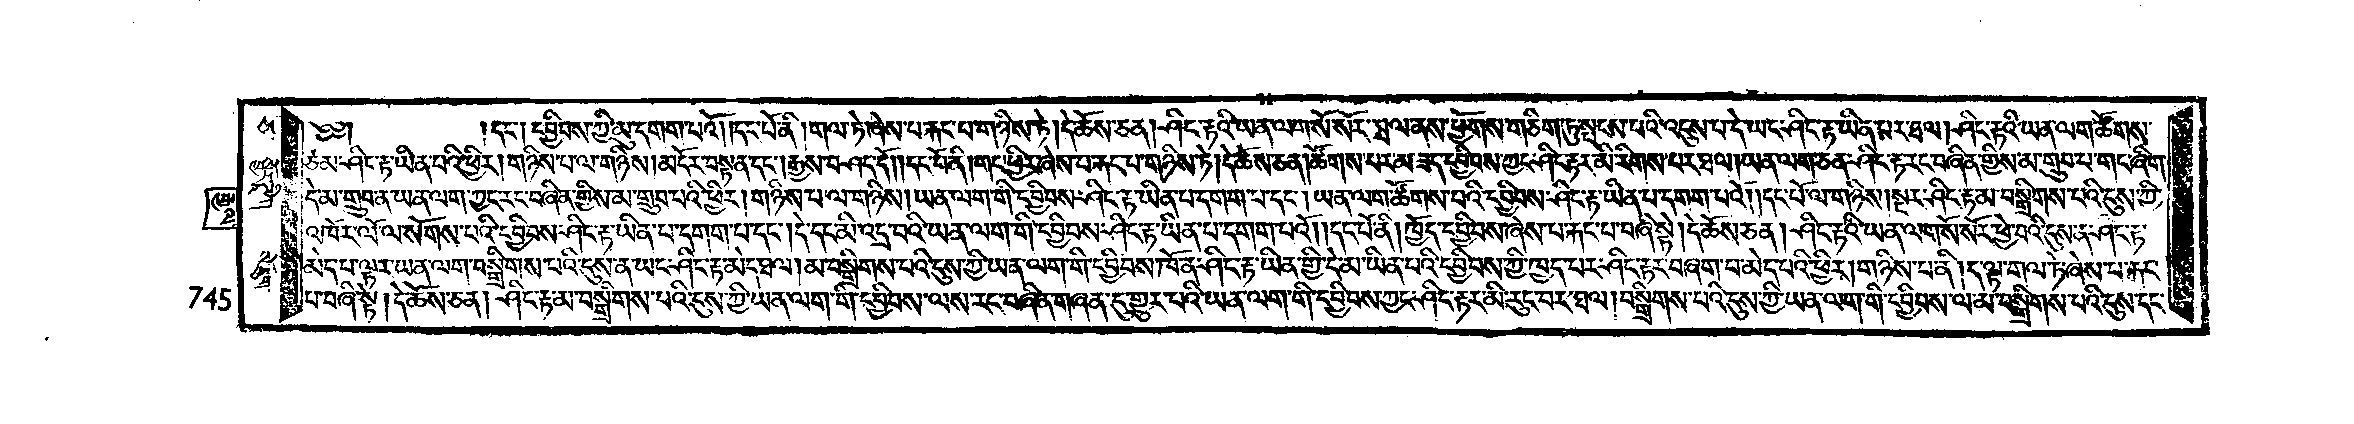༄༅། །དང་། དབྱིབས་ཀྱི་མུ་དགག་པའོ། །དང་པོ་ནི། གལ་ཏེ་ཞེས་པ་རྐང་པ་གཉིས་ཏེ། དེ་ཆོས་ཅན། ཤིང་རྟའི་ཡན་ལག་སོ་སོར་ཐལ་ནས་ཕྱོགས་གཅིག་ཏུ་སྤངས་པའི་འདུས་པ་དེ་ཡང་ཤིང་རྟ་ཡིན་པར་ཐལ། ཤིང་རྟའི་ཡན་ལག་ཚོགས་
ཙམ་ཤིང་རྟ་ཡིན་པའི་ཕྱིར། གཉིས་པ་ལ་གཉིས། མདོར་བསྟན་དང་། རྒྱས་བཤད་དོ། །དང་པོ་ནི། གང་ཕྱིར་ཞེས་པ་རྐང་པ་གཉིས་ཏེ། དེ་ཆོས་ཅན། ཚོགས་པར་མ་ཟད་དབྱིབས་ཀྱང་ཤིང་རྟར་མི་རིགས་པར་ཐལ། ཡན་ལག་ཅན་ཤིང་རྟ་རང་བཞིན་གྱིས་མ་གྲུབ་པ་གང་ཞིག་
དེ་མ་གྲུབ་ན་ཡན་ལག་ཀྱང་རང་བཞིན་གྱིས་མ་གྲུབ་པའི་ཕྱིར། གཉིས་པ་ལ་གཉིས། ཡན་ལག་གི་དབྱིབས་ཤིང་རྟ་ཡིན་པ་དགག་པ་དང་། ཡན་ལག་ཚོགས་པའི་དབྱིབས་ཤིང་རྟ་ཡིན་པ་དགག་པའོ། །དང་པོ་ལ་གཉིས། སྔར་ཤིང་རྟ་མ་བསྒྲིགས་པའི་དུས་ཀྱི་
འཁོར་ལོ་ལ་སོགས་པའི་དབྱིབས་ཤིང་རྟ་ཡིན་པ་དགག་པ་དང་། དེ་དང་མི་འདྲ་བའི་ཡན་ལག་གི་དབྱིབས་ཤིང་རྟ་ཡིན་པ་དགག་པའོ། །དང་པོ་ནི། ཁྱོད་དབྱིབས་ཞེས་པ་རྐང་པ་བཞི་སྟེ། དེ་ཆོས་ཅན། ཤིང་རྟའི་ཡན་ལག་སོ་སོར་ཕྱེ་བའི་དུས་ན་ཤིང་རྟ་
མེད་པ་ལྟར་ཡན་ལག་བསྒྲིགས་པའི་དུས་ན་ཡང་ཤིང་རྟ་མེད་ཐལ། མ་བསྒྲིགས་པའི་དུས་ཀྱི་ཡན་ལག་གི་དབྱིབས་ཁོ་ན་ཤིང་རྟ་ཡིན་གྱི་དེ་མ་ཡིན་པའི་དབྱིབས་ཀྱི་ཁྱད་པར་ཤིང་རྟར་བཞག་པ་མེད་པའི་ཕྱིར། གཉིས་པ་ནི། ད་ལྟ་གལ་ཏེ་ཞེས་པ་རྐང་
པ་བཞི་སྟེ། དེ་ཆོས་ཅན། ཤིང་རྟ་མ་བསྒྲིགས་པའི་དུས་ཀྱི་ཡན་ལག་གི་དབྱིབས་ལས་རང་བཞིན་གཞན་དུ་གྱུར་པའི་ཡན་ལག་གི་དབྱིབས་ཀྱང་ཤིང་རྟར་མི་རུང་བར་ཐལ། བསྒྲིགས་པའི་དུས་ཀྱི་ཡན་ལག་གི་དབྱིབས་ལ་མ་བསྒྲིགས་པའི་དུས་དང་